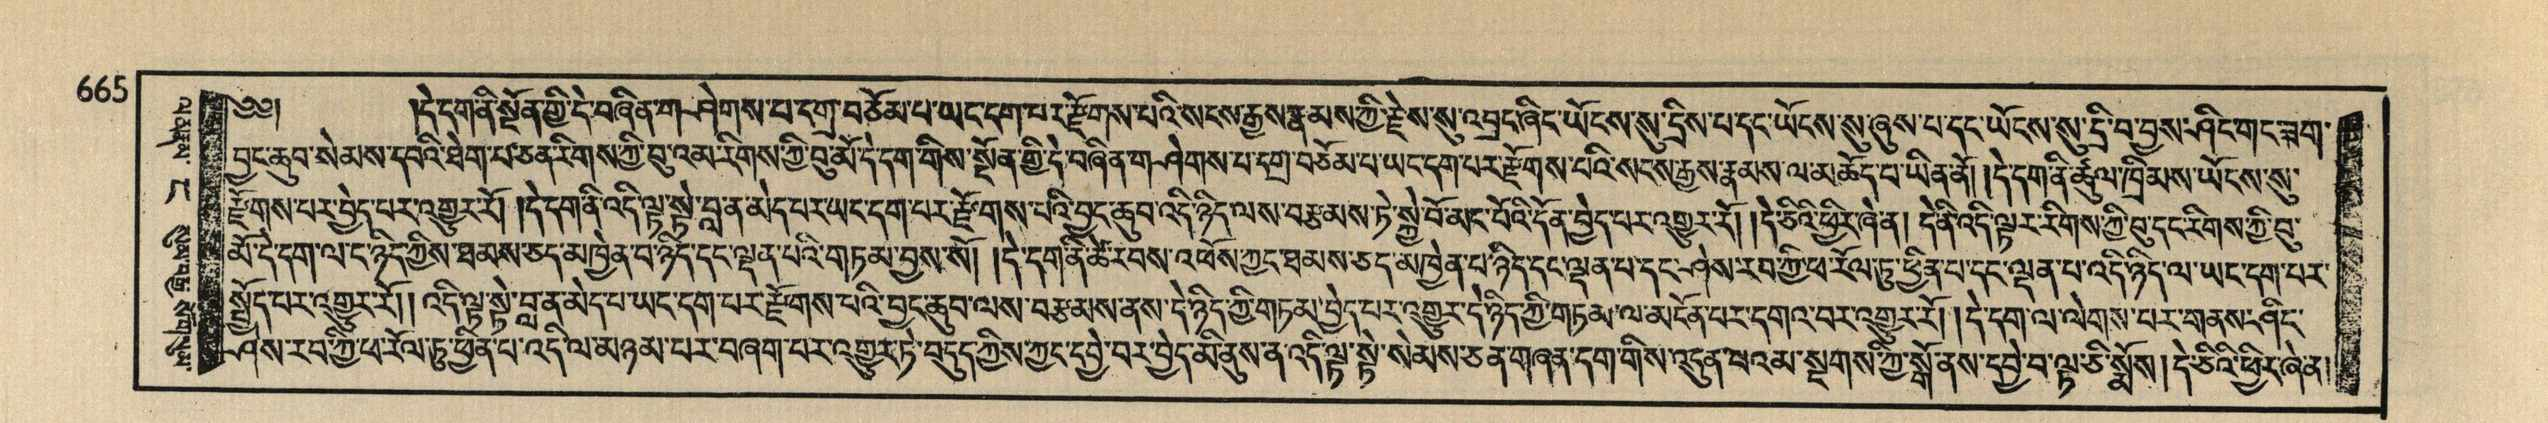༄༅། །དེ་དག་ནི་སྔོན་གྱི་དེ་བཞིན་གཤེགས་པ་དགྲ་བཅོམ་པ་ཡང་དག་པར་རྫོགས་པའི་སངས་རྒྱས་རྣམས་ཀྱི་རྗེས་སུ་འབྲང་ཞིང་ཡོངས་སུ་དྲིས་པ་དང་ཡོངས་སུ་ཞུས་པ་དང་ཡོངས་སུ་དྲི་བ་བྱས་ཤིང་གང་ཟག་
བྱང་ཆུབ་སེམས་དབའི་ཐེག་པ་ཅན་རིགས་ཀྱི་བུ་འམ་རིགས་ཀྱི་བུ་མོ་དེ་དག་གིས་སྔོན་གྱི་དེ་བཞིན་གཤེགས་པ་དགྲ་བཅོམ་པ་ཡང་དག་པར་རྫོགས་པའི་སངས་རྒྱས་རྣམས་ལ་མཆོད་པ་ཡིན་ནོ། །དེ་དག་ནི་ཚུལ་ཁྲིམས་ཡོངས་སུ་
རྫོགས་པར་བྱེད་པར་འགྱུར་རོ། །དེ་དག་ནི་འདི་ལྟ་སྟེ་བླ་ན་མེད་པར་ཡང་དག་པར་རྫོགས་པའི་བྱང་ཆུབ་འདི་ཉིད་ལས་བརྩམས་ཏེ་སྐྱེ་བོ་མང་པོའི་དོན་བྱེད་པར་འགྱུར་རོ། །དེ་ཅིའི་ཕྱིར་ཞེ་ན། དེ་ནི་འདི་ལྟར་རིགས་ཀྱི་བུ་དང་རིགས་ཀྱི་བུ་
མོ་དེ་དག་ལ་ང་ཉིད་ཀྱིས་ཐམས་ཅད་མཁྱེན་བ་ཉིད་དང་ལྡན་པའི་གཏམ་བྱས་སོ། །དེ་དག་ནི་ཚེ་རབས་འཕོས་ཀྱང་ཐམས་ཅད་མཁྱེན་པ་ཉིད་དང་ལྡན་པ་དང་ཤེས་རབ་ཀྱི་ཕ་རོལ་ཏུ་ཕྱིན་པ་དང་ལྡན་པ་འདི་ཉིད་ལ་ཡང་དག་པར་
སྤྱོད་པར་འགྱུར་རོ། །འདི་ལྟ་སྟེ་བླ་ན་མེད་པ་ཡང་དག་པར་རྫོགས་པའི་བྱང་ཆུབ་ལས་བརྩམས་ནས་དེ་ཉིད་ཀྱི་གཏམ་བྱེད་པར་འགྱུར་དེ་ཉིད་ཀྱི་གཏམ་ལ་མངོན་པར་དགའ་བར་འགྱུར་རོ། །དེ་དག་ལ་ལེགས་པར་གནས་ཤིང་
ཤེས་རབ་ཀྱི་ཕ་རོལ་ཏུ་ཕྱིན་པ་འདི་ལ་མཉམ་པར་བཞག་པར་འགྱུར་ཏེ་བདུད་ཀྱིས་ཀྱང་དབྱེ་བར་བྱེད་མི་ནུས་ན་འདི་ལྟ་སྟེ་སེམས་ཅན་གཞན་དག་གིས་འདུན་པའམ་སྔགས་ཀྱི་སྒོ་ནས་དབྱེ་བ་ལྟ་ཅི་སྨོས། དེ་ཅིའི་ཕྱིར་ཞེ་ན།